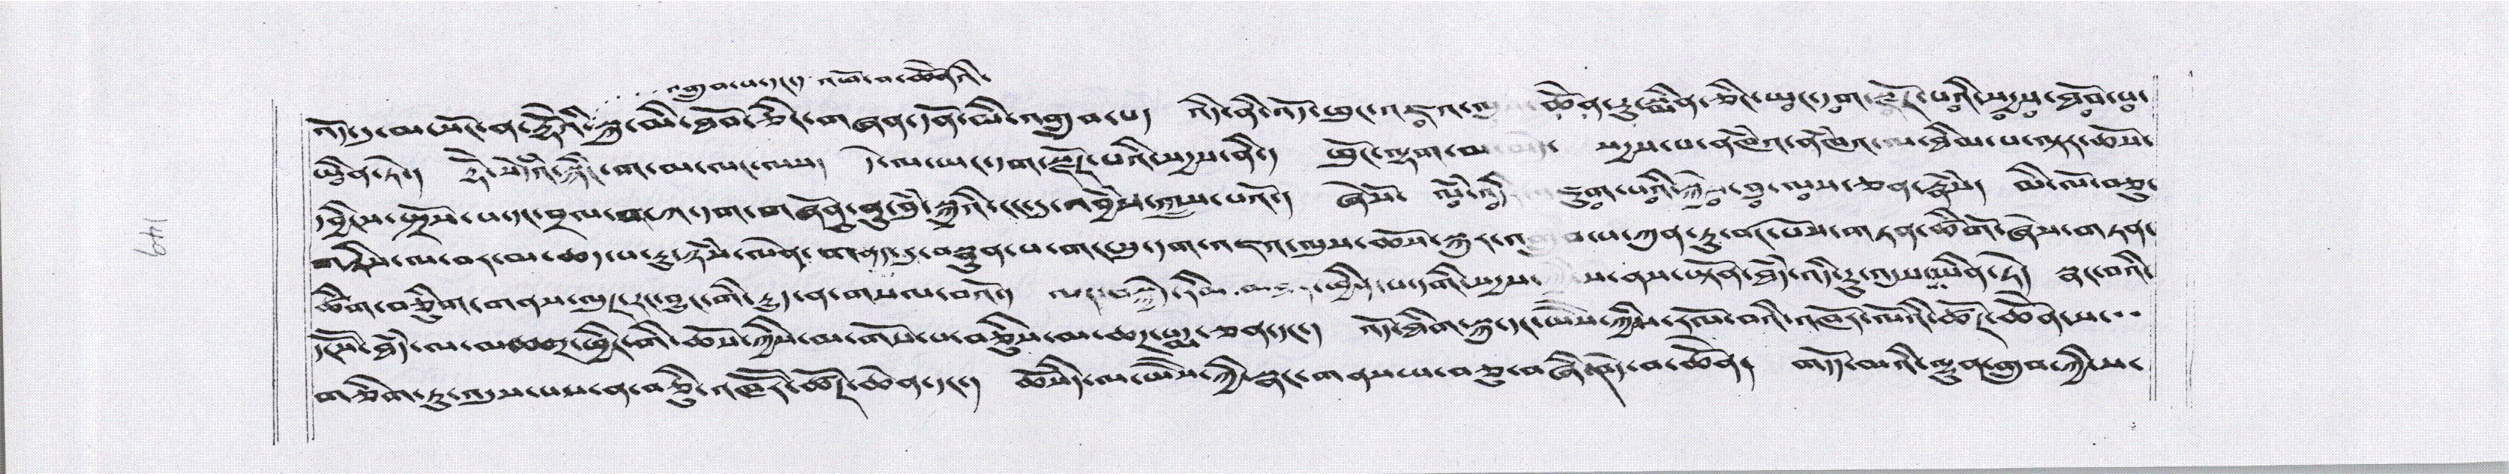འོད་དུ་མ་སོང་ན་རྡོ་རྗེའི་༼༽འགྲུབ་པ་དང་། འཕོ་བ་ཆེན་པོའི་སྐུ་མི་ཐོབ་ཅིང་གཞན་དོན་མི་འགྲུབ་པ། འདི་ནི་འོད་ཕུང་འཇའ་ལུས་ཆེན་པོ་རུ་སྨིན་ཅིང་ཡང་དག་རྫོགས་པའི་སངས་རྒྱས་ཐོབ་པ་
ཡིན་ཏེ། རྡོ་རྗེ་སེམས་དཔའ་སྙིང་གི་མེ་ལོང་ལས། དེ་ལ་ཡང་དག་རྫོགས་པའི་སངས་རྒྱས་ནི། ཕུང་པོ་ལྷག་མ་མེད་པར་སངས་རྒྱས་པ། ནམ་མཁའ་ནམ་མཁའ་ལ་ཐིམ་པ་ལྟར་ཆོས་
དབྱིངས་སྤྲོས་པ་དང་བྲལ་བ་ཀ་དག་གཞོན་ནུ་བུམ་སྐུའི་ཀློང་དུ་འབྱམས་ཀླས་པའོ། ཞེས་སོ། ལམ་འདིར་འཇུག་པའི་སྐྱེས་བུ་ལས་ཅན་རྣམས། མི་ལོ་བཅུ་
གཉིས་ལ་བར་མ་ཆད་པར་ཉམས་ལེན་གནད་དུ་བསྣུན་པ་གང་སུ་དག་འཇའ་ལུས་ཆོས་སྐུར་འགྲུབ་པ་ཀུན་ཏུ་བཟང་པོས་གཏན་ཚིག་གོ། ཞེས་གཏན་
ཚིག་བཅུ་གཅིག་གནས་ལུགས་རང་བྱུང་གི་རྒྱུད་ན་གསལ་བའོ། ལར་བསྐྱེད་རིམ་མཐར་ཕྱིན་པ་དག་གིས་སངས་རྒྱས་ཀྱི་ས་ན་ཡོན་ཏན་ཐམས་ཅད་འདི་རུ་འདུས་པ་ཡིན་ཏེ། སྣང་བའི་
དངོས་པོ་ཐམས་ཅད་ལ་མ་ཆགས་ཕྱི་ནང་གི་ཆོས་ཀྱིས་མ་གོས་པ་བཅུ་གཉིས་མ་ཆགས་པདྨ་ཅན་དང་། འོད་ཐིག་སྐུ་དང་ཡེ་ཤེས་ཀྱི་རོལ་པའི་འཁོར་ལོའི་ཚོགས་ཆེན་པོ་ས་
གཅིག་ཏུ་འདུས་པས་ན་བཅུ་བཞི་འཁོར་ལོ་ཚོགས་ཆེན་དང་། ཆོས་ཉིད་ལ་ཡེ་ཤེས་ཀྱི་སྣང་གནས་ས་བཅུ་བཞི་པ་བདེ་བ་ཆེན་པོ། གདོད་མའི་ལྷུན་གྲུབ་ཀྱི་ས་